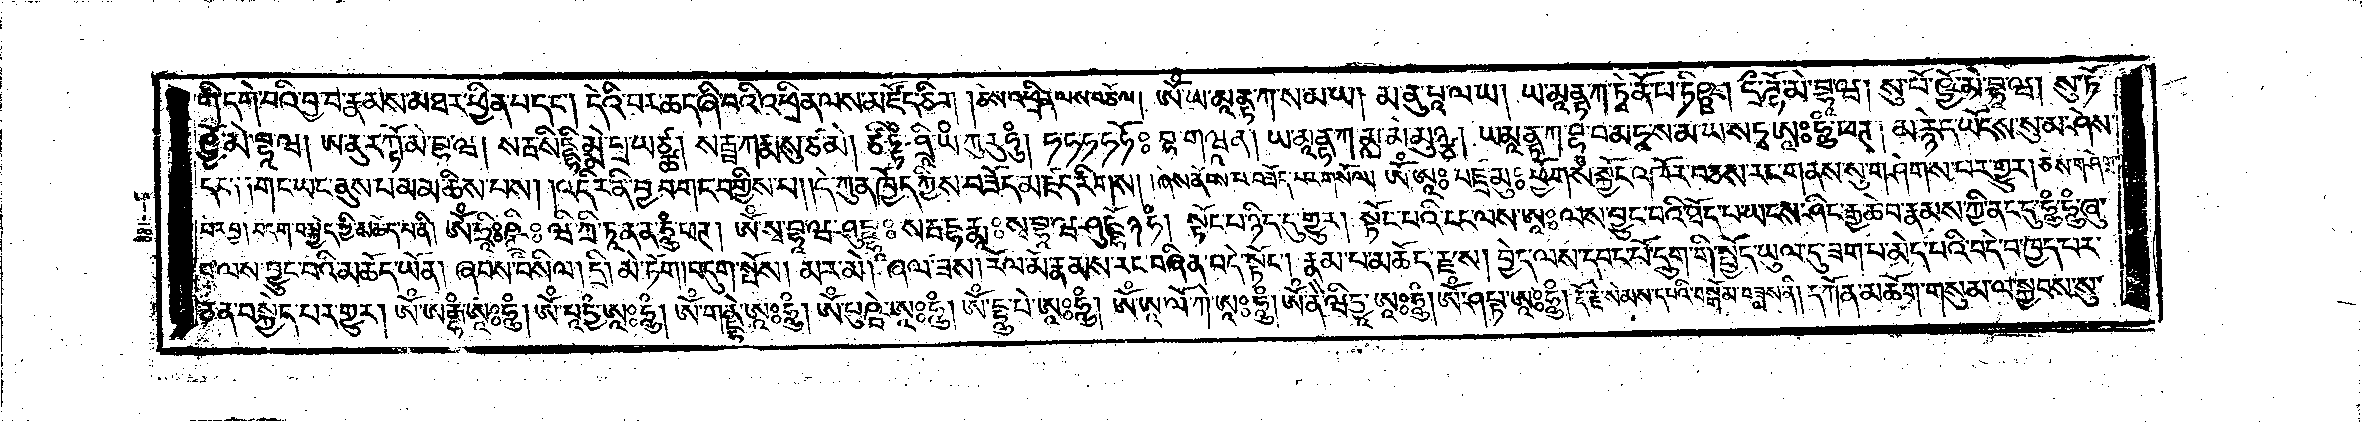གི་དགེ་བའི་བྱ་བ་རྣམས་མཐར་ཕྱིན་པ་དང་། དེའི་བར་ཆད་ཞི་བའི་འཕྲིན་ལས་མཛོད་ཅིང་། །ཅེས་འཕྲིན་ལས་བཅོལ།  ཨོཾ་ཨ་མཱཎྟ་ཀ་ས་མ་ཡ། མ་ནུ་པཱ་ལ་ཡ། ཡ་མཱནྟ་ཀ་ཏE་ནོ་པ་ཏིཥཊཿཨ། དྲྀ་ཌྷོ་མེ་བྷཱ་ཝ། སུ་པོ་ཥྱོ་མེ་བྷཱ་ཝ། སུ་ཏོ་
ཥྡྱོ་མེ་བྷཱ་ཝ། མནུ་རཀྟོ་མེ་བྷ་ཝ། སརྦ་སིདྡྷི་མེ་པྲ་ཡཙྪ། སརྦ་ཀརྨ་སུ་ཙ་མེ། ཙིཏྟཾ་ཤྲཱི་ཡཾ་ཀུ་རུ་ཧཱུཾ། ཧ་ཧ་ཧ་ཧ་ཧོཿ བྷ་ག་ཝཱ་ན། ཡ་མཱནྡ་ཀ་མཱ་མེ་མུཉྩ། ཡ་མཱནྟ་ཀ་བྷ་བ་མ་ཧཱ་ས་མ་ཡས་ཏྭ་ཨཱཿ ཧཱུཾ་ཕཊ། མ་རྙེད་ཡོངས་སུ་མ་ཤེས་
དང༑ ༑གང་ཡང་ནུས་པ་མ་མཆིས་པས། །འདིར་ནི་བྱ་བ་གང་བགྱིས་པ། །དེ་ཀུན་ཁྱོད་ཀྱིས་བཟོད་མཛད་རིགས། །ཞེས་ནོངས་པ་བཟོད་པར་གསོལ།  ཨོཾ་ཨཱཿ བཛྲ་མུཿཕྱོགས་སྐྱོང་འཁོར་བཅས་རང་གནས་སུ་གཤེགས་པར་གྱུར། ཅེས་གཤེགས་
པར་བྱ། བདག་བསྐྱེད་ཀྱི་མཆོད་པ་ནི། ཨོཾ་ཧྲཱིཿ ཥྚྲཱིཿ ཝི་ཀྲི་ཏཱ་ན་ན་ཧཱུཾ་ཕཊ། ཨོཾ་སྭ་བྷཱ་ཝ་ཤུདྡྷཿ སརྦ་དྷརྨཱཿ སྭ་བྷཱ་ཝ་ཤུདྡྷོཉ་ཧཾ། སྟོང་པ་ཉིད་དུ་གྱུར། སྟོང་པའི་ངང་ལས་ཨཱཿལས་བྱུང་བའི་ཐོད་པ་ཡང་ཤིང་རྒ་ཆེ་བ་རྣམས་ཀྱི་ནང་དུ་ཧཱུཾ་ཧཱུཾ་ཞུ་
བ་ལས་བྱུང་བའི་མཆོད་ཡོན། ཞབས་བསིལ། དྲི་མེ་ཏོག། བདག་སྤོས། མར་མེ། ཞལ་ཟས། རོལ་མོ་རྣམས་རང་བཞིན་བདེ་སྟོང་། རྣམ་པ་མཆོད་རྫས། བྱེད་ལས་དབང་པོ་དྲུག་གི་སྤྱོད་ཡུལ་དུ་ཟག་པ་མེད་པའི་བདེ་བ་ཁྱད་པར་
ཅན་བསྐྱེད་པར་གྱུར། ཨོཾ་ཨརྒྷཾ་ཨཱཿ ཧཱུཾ། ཨོཾ་པཱ་དྱཾ་ཨཱཿ ཧཱུཾ། ཨོཾ་གནྡྷེ་ཨཱཿ ཧཱུཾ། ཨོཾ་པུཥྤེ་ཨཱཿ ཧཱུཾ། ཨོཾ་དྷཱུ་པེ་ཨཱཿ ཧཱུཾ། ཨོཾ་ཨཱ་ལོ་ཀེ་ཨཱཿ ཧཱུཾ། ཨོཾ་ནཻ་ཝིདྱཱ། ཨོཾ་ཤཔྟ་ཨཱཿ ཧཱུཾ། རྡོ་རྗེ་སེམས་དཔའི་བསྒོམ་བཟླས་ནི། དཀོན་མཆོག་གསུམ་ལ་སྐྱབས་སུ་